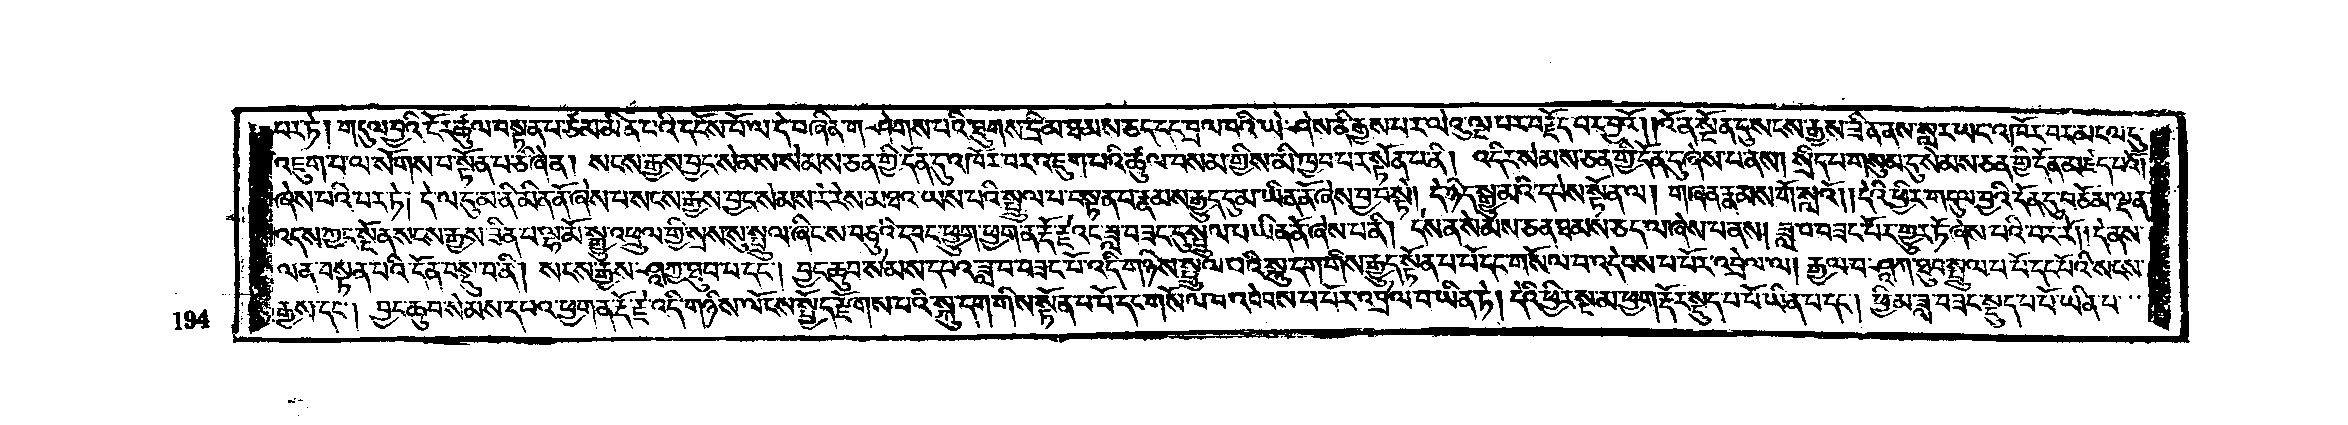པར་ཏེ། གདུལ་བྱའི་ངོར་ཚུལ་བསྟན་པ་ཙམ་མིན་པའི་དངོས་པོ་ལ་དེ་བཞིན་གཤེགས་པའི་ཐུགས་དྲི་མ་ཐམས་ཅད་དང་བྲལ་བའི་ཡེ་ཤེས་ནི་རྒྱས་པར་ལེའུ་ལྔ་པར་བརྗོད་པར་བྱའོ། །འོ་ན་སྔོན་དུ་སངས་རྒྱས་ཟིན་ནས་སླར་ཡང་འཁོར་བར་མངལ་དུ་
འཇུག་པ་ལ་སོགས་པ་སྟོན་པ་ཅི་ཞེ་ན། སངས་རྒྱས་བྱང་སེམས་སེམས་ཅན་གྱི་དོན་དུ་འཁོར་བར་འཇུག་པའི་ཚུལ་བསམ་གྱིས་མི་ཁྱབ་པར་སྟོན་པ་ནི། འདིར་སེམས་ཅན་གྱི་དོན་དུ་ཞེས་པ་ནས། སྲིད་པ་གསུམ་དུ་སེམས་ཅན་གྱི་དོན་མཛད་པའོ།།
ཞེས་པའི་བར་ཏེ། དེ་ལ་དུ་མ་ནི་མིན་ནོ་ཞེས་པ་སངས་རྒྱས་བྱང་སེམས་རེ་རེས་མཐའ་ཡས་པའི་སྤྲུལ་པ་བསྟན་པ་རྣམས་རྒྱུད་དུ་མ་ཡིན་ནོ་ཞེས་བྱ་བ་སྟེ། དེ་ཉིད་སྒྱུར་མའི་དཔེས་སྟོན་ལ། གཞན་རྣམས་གོ་སླའོ། །དེའི་ཕྱིར་གདུལ་བྱའི་དོན་དུ་བཅོམ་ལྡན་
འདས་ཀྱང་སྔོན་སངས་རྒྱས་ཟིན་པ་ལྷ་མོ་སྒྱུ་འཕྲུལ་གྱི་སྲས་སུ་སྤྲུལ་ཞིང་ས་བཅུའི་དབང་ཕྱུག་ཕྱག་ན་རྡོ་རྗེའང་ཟླ་བཟང་དུ་སྤྲུལ་པ་ཡིན་ནོ་ཞེས་པ་ནི། དེས་ན་སེམས་ཅན་ཐམས་ཅད་ལ་ཞེ་སྤ་ནས། ཟླ་བ་བཟང་པོར་གྱུར་ཏོ་ཞེས་པའི་བར་རོ། །དེ་ནས་
ལན་བསྟན་པའི་དོན་བསྡུ་བ་ནི། སང་རྒྱས་ཤཱཀྱ་ཐུབ་པ་དང་། བྱང་ཆུབ་སེམས་དཔའི་ཟླ་བ་བཟང་པོ་འདི་གཉིས་སྤྲུལ་པའི་སྐུ་དག་གིས་རྒྱུད་སྟོན་པ་པོ་དང་གསོལ་བ་འདེབས་པ་པོར་འབྲེལ་ལ། རྒྱལ་བ་ཤཱཀྱ་ཐུབ་སྤྲུལ་པ་པོ་དང་པོའི་སངས་
རྒྱས་དང་། བྱང་ཆུབ་སེམས་དཔའ་ཕྱག་ན་རྡོ་རྗེ་འདི་གཉིས་ལོངས་སྤྱོད་རྫོགས་པའི་སྐུ་དག་གིས་སྟོན་པ་པོ་དང་གསོལ་བ་འདེབས་པ་པོར་འབྲེལ་བ་ཡིན་ཏེ། དེའི་ཕྱིར་སྔ་མ་ཕྱག་རྡོར་སྡུད་པ་པོ་ཡིན་པ་དང་། ཕྱིར་མ་ཟླ་བཟང་སྡུད་པ་པོ་ཡིན་པ་